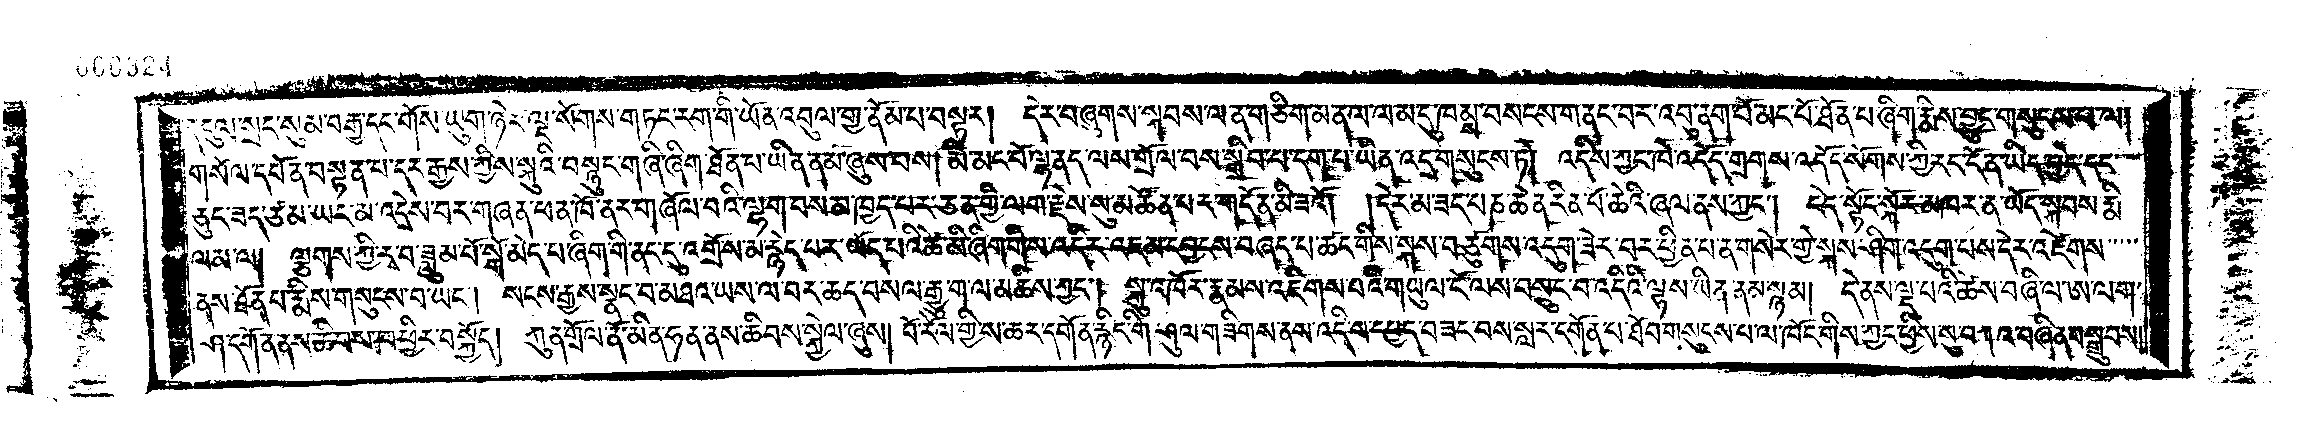དངུལ་སྲང་སུམ་བརྒྱ་དང་གོས་ཡུག་ཉེར་ལྔ་སོགས་གཏང་རག་གི་ཡོན་འབུལ་གྱ་ནོམ་པ་བསྟར། དེར་བཞུགས་སྐབས་ལན་གཅིག་མནལ་ལམ་དུ་ཁམས་བསངས་གནང་བར་འབུ་ནག་པོ་མང་པོ་ཐོན་པ་ཞིག་རྨིས་བྱུང་གསུངས་པ་ལ།
གསོལ་དཔོན་བསྟན་པ་དར་རྒྱས་ཀྱིས་སྐུའི་བསྙུང་གཞི་ཞིག་ཐོན་པ་ཡིན་ནམ་ཞུས་པས། མི་མང་པོ་ལྷ་ནད་ལས་གྲོལ་པས་སྒྲིབ་པ་དག་པ་ཡིན་འདྲ་གསུངས་ཏེ། འདིས་ཀྱང་ཁེ་འདོད་གྲགས་འདོད་སོགས་ཀྱི་རང་དོན་ཡིད་བྱེད་དང་
ཅུང་ཟད་ཙམ་ཡང་མ་འདྲེས་པར་གཞན་ཕན་ཁོ་ནར་གཞོལ་བའི་ལྷག་བསམ་ཁྱད་པར་ཅན་གྱི་ལག་རྗེས་སུ་མཚོན་པར་གདོན་མི་ཟའོ། །དེར་མ་ཟད་པཎ་ཆེན་རིན་པོ་ཆེའི་ཞལ་ནས་ཀྱང་། ངེད་སྟོང་སྐོར་མཁར་ན་ཡོད་སྐབས་རྨི་
ལམ་ལ། ལྕགས་ཀྱི་རྭ་བ་ཟླུམ་པོ་སྒོ་མེད་པ་ཞིག་གི་ནང་དུ་འགྲོ་ས་མ་རྙེད་པར་ཡོད་པའི་ཚེ་མི་ཞིག་གིས་འདིར་འཇམ་དབྱངས་བཞད་པ་ཚང་གིས་སྐས་བཙུགས་འདུག་ཟེར་བར་ཕྱིན་བ་ན་གསེར་གྱི་སྐས་ཤིག་འདུག་པས་དེར་འཛེགས་
ནས་ཐོན་པ་རྨིས་གསུངས་པ་ཡང་། སངས་རྒྱས་སྣང་བ་མཐའ་ཡས་ལ་བར་ཆད་བསལ་རྒྱུ་ག་ལ་མཆིས་ཀྱང་། སྐུ་འཁོར་རྣམས་འཇིགས་པའི་གཡུལ་ངོ་ལས་བསྲུང་བ་འདིའི་ལྟས་ཡིན་ནམ་སྙམ། དེ་ནས་ལྔ་པའི་ཚེས་བཞི་ལ་ཨ་ལག་
ཤ་དགོན་ནས་ཆིབས་ཁ་ཕྱིར་བསྐྱོད། ཀུན་གྲོལ་ནོ་མིན་ཧན་ནས་ཆིབས་སྐྱེལ་ཞུས། བོ་རོལ་གྱི་ས་ཆར་དགོན་རྙིང་གི་ཤུལ་གཟིགས་ནས་འདིས་དཔྱད་བཟང་བས་སླར་དགོན་པ་ཐོབ་གསུངས་པ་ལ་ཁོང་གིས་ཀྱང་ཕྱིས་སུ་བཀའ་བཞིན་བསྒྲུབས།